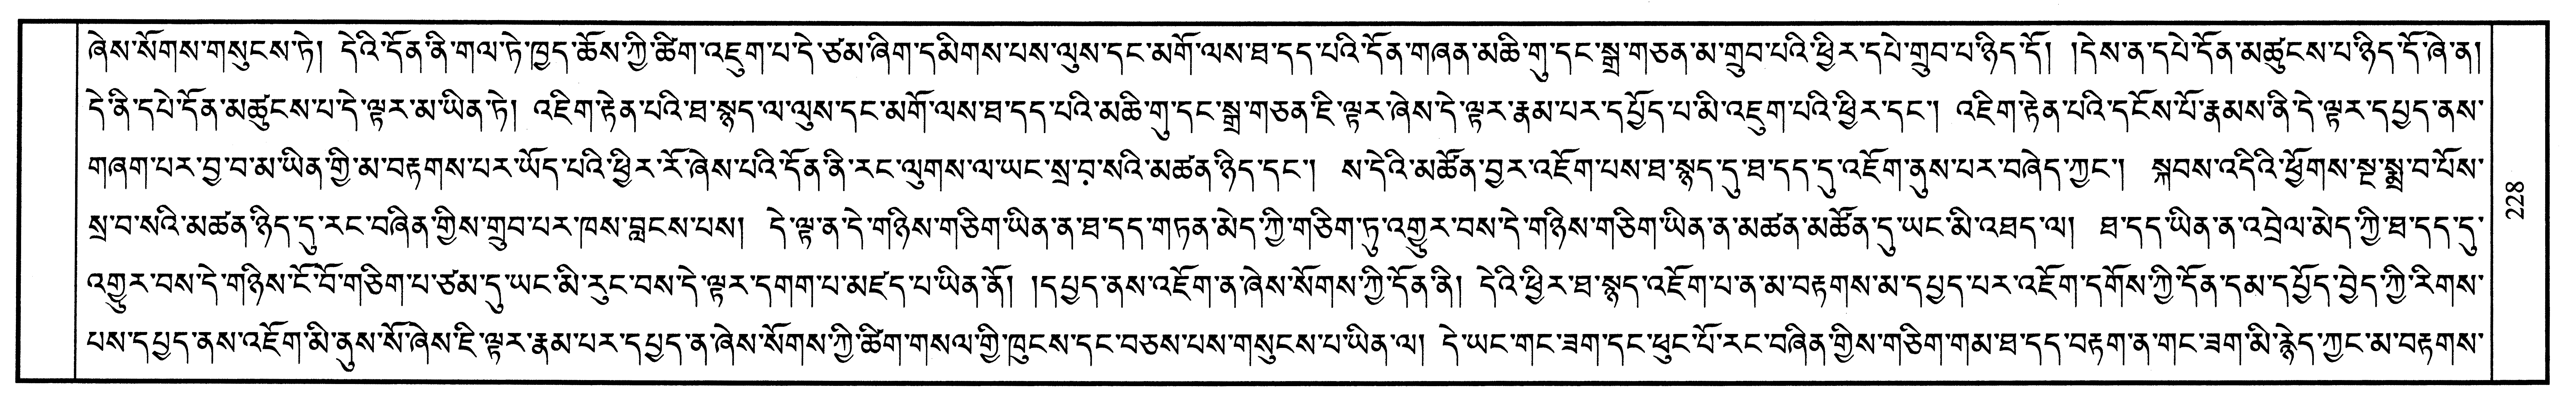ཞེས་སོགས་གསུངས་ཏེ། དེའི་དོན་ནི་གལ་ཏེ་ཁྱད་ཆོས་ཀྱི་ཚིག་འཇུག་པ་དེ་ཙམ་ཞིག་དམིགས་པས་ལུས་དང་མགོ་ལས་ཐ་དད་པའི་དོན་གཞན་མཆི་གུ་དང་སྒྲ་གཅན་མ་གྲུབ་པའི་ཕྱིར་དཔེ་གྲུབ་པ་ཉིད་དོ། །དེས་ན་དཔེ་དོན་མཚུངས་པ་ཉིད་དོ་ཞེ་ན།
དེ་ནི་དཔེ་དོན་མཚུངས་པ་དེ་ལྟར་མ་ཡིན་ཏེ། འཇིག་རྟེན་པའི་ཐ་སྙད་ལ་ལུས་དང་མགོ་ལས་ཐ་དད་པའི་མཆི་གུ་དང་སྒྲ་གཅན་ཇི་ལྟར་ཞེས་དེ་ལྟར་རྣམ་པར་དཔྱོད་པ་མི་འཇུག་པའི་ཕྱིར་དང་། འཇིག་རྟེན་པའི་དངོས་པོ་རྣམས་ནི་དེ་ལྟར་དཔྱད་ནས་
གཞག་པར་བྱ་བ་མ་ཡིན་གྱི་མ་བརྟགས་པར་ཡོད་པའི་ཕྱིར་རོ་ཞེས་པའི་དོན་ནི་རང་ལུགས་ལ་ཡང་སྲ་བ་སའི་མཚན་ཉིད་དང་། ས་དེའི་མཚོན་བྱར་འཇོག་པས་ཐ་སྙད་དུ་ཐ་དད་དུ་འཇོག་ནུས་པར་བཞེད་ཀྱང་། སྐབས་འདིའི་ཕྱོགས་སྔ་སྨྲ་བ་པོས་
སྲ་བ་སའི་མཚན་ཉིད་དུ་རང་བཞིན་གྱིས་གྲུབ་པར་ཁས་བླངས་པས། དེ་ལྟ་ན་དེ་གཉིས་གཅིག་ཡིན་ན་ཐ་དད་གཏན་མེད་ཀྱི་གཅིག་ཏུ་འགྱུར་བས་དེ་གཉིས་གཅིག་ཡིན་ན་མཚན་མཚོན་དུ་ཡང་མི་འཐད་ལ། ཐ་དད་ཡིན་ན་འབྲེལ་མེད་ཀྱི་ཐ་དད་དུ་
འགྱུར་བས་དེ་གཉིས་ངོ་བོ་གཅིག་པ་ཙམ་དུ་ཡང་མི་རུང་བས་དེ་ལྟར་དགག་པ་མཛད་པ་ཡིན་ནོ། །དཔྱད་ནས་འཇོག་ན་ཞེས་སོགས་ཀྱི་དོན་ནི། དེའི་ཕྱིར་ཐ་སྙད་འཇོག་པ་ན་མ་བརྟགས་མ་དཔྱད་པར་འཇོག་དགོས་ཀྱི་དོན་དམ་དཔྱོད་བྱེད་ཀྱི་རིགས་
པས་དཔྱད་ནས་འཇོག་མི་ནུས་སོ་ཞེས་ཇི་ལྟར་རྣམ་པར་དཔྱད་ན་ཞེས་སོགས་ཀྱི་ཚིག་གསལ་གྱི་ཁུངས་དང་བཅས་པས་གསུངས་པ་ཡིན་ལ། དེ་ཡང་གང་ཟག་དང་ཕུང་པོ་རང་བཞིན་གྱིས་གཅིག་གམ་ཐ་དད་བརྟག་ན་གང་ཟག་མི་རྙེད་ཀྱང་མ་བརྟགས་